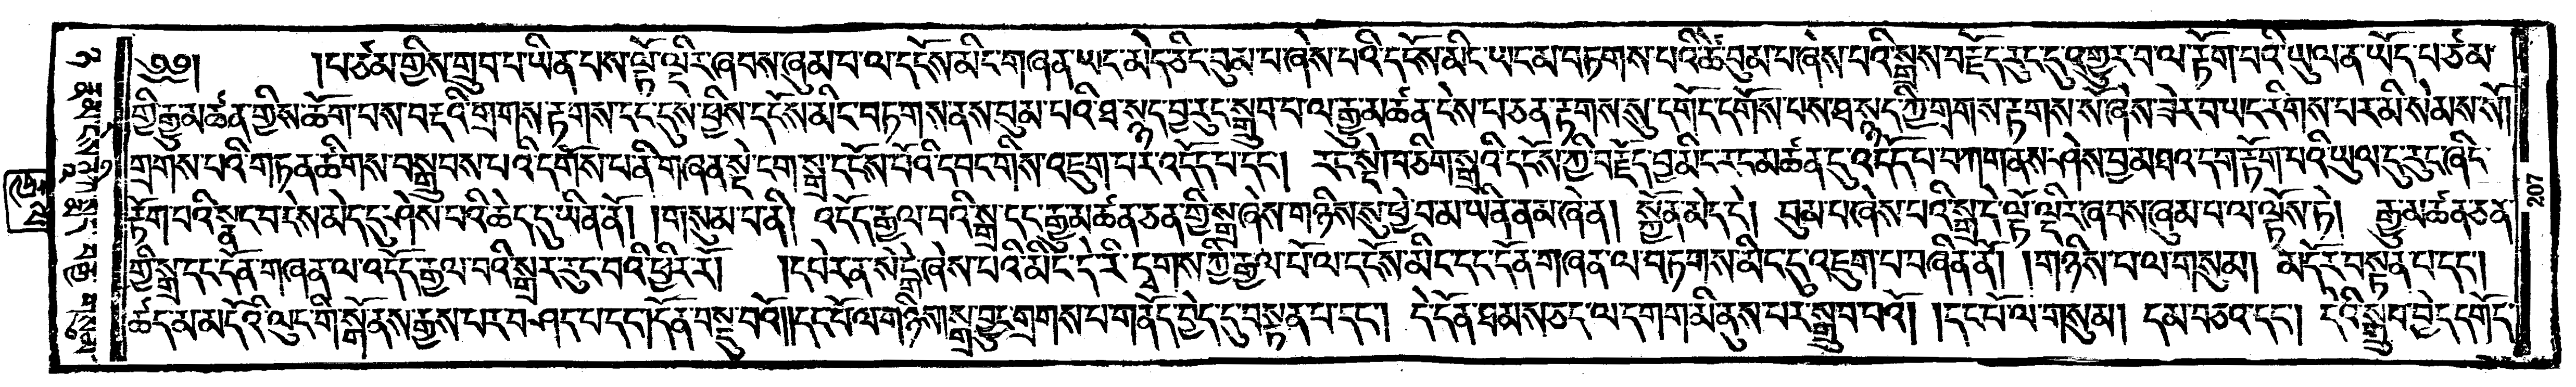༄༅། །པ་ཙམ་གྱིས་གྲུབ་པ་ཡིན་པས་ལྟོ་ལྡིར་ཞབས་ཞུམ་པ་ལ་དངོས་མིང་གཞན་ཡང་མེད་ཅིང་བུམ་པ་ཞེས་པའི་དངོས་མིང་ཡང་མ་བཏགས་པའི་ཚེ་བུམ་པ་ཞེས་པའི་སྒྲས་བརྗོད་རུང་དུ་འགྱུར་བ་ལ་རྟོག་པའི་ཡུལ་ན་ཡོད་པ་ཙམ་
གྱི་རྒྱུ་མཚན་གྱིས་ཆོག་བས་བརྔའི་གྲགས་རྟགས་དང་དུས་ཕྱིས་དངོས་མིང་བཏགས་ནས་བུམ་པའི་ཐ་སྙད་བྱ་རུང་སྒྲུབ་པ་ལ་རྒྱུ་མཚན་ངེས་པ་ཅན་རྟགས་སུ་དགོད་དགོས་པས་ཐ་སྙད་ཀྱི་གྲགས་རྟགས་སོ་ཞེས་ཟེར་བ་ཡང་རིགས་པར་མི་སེམས་སོ།
གྲགས་པའི་གཏན་ཚིགས་བསྒྲུབས་པའི་དགོས་པ་ནི་གཞན་སྡེ་ངག་སྒྲ་དངོས་པོའི་དབང་གིས་འཇུག་པར་འདོད་པ་དང་། རང་སྡེ་ཁ་ཅིག་སྒྲའི་དངོས་ཀྱི་བརྗོད་བྱ་མིང་རང་མཚན་དུ་འདོད་པ་བཀག་ནས་ཤེས་བྱ་མཐའ་དག་རྟོག་པའི་ཡུལ་དུ་རུང་ཞིང་
རྟོག་པའི་སྣང་བ་ངེས་མེད་དུ་ཤེས་པའི་ཆེད་དུ་ཡིན་ནོ། །གསུམ་པ་ནི། འདོད་རྒྱལ་བའི་སྒྲ་དང་རྒྱུ་མཚན་ཅན་གྱི་སྒྲ་ཞེས་གཉིས་སུ་ཕྱེ་བ་མ་ཡིན་ནམ་ཞེ་ན། སྐྱོན་མེད་དེ། བུམ་པ་ཞེས་པའི་སྒྲ་དེ་ལྟོ་ལྡིར་ཞབས་ཞུམ་པ་ལ་ལྟོས་ཏེ། རྒྱུ་མཚན་ཅན་
གྱི་སྒྲ་དང་དོན་གཞན་ལ་འདོད་རྒྱལ་བའི་སྒྲར་རུང་བའི་ཕྱིར་རོ། །དཔེར་ན་སེངྒེ་ཞེས་པའི་མིང་དེ་རི་དྭགས་ཀྱི་རྒྱལ་པོ་ལ་དངོས་མིང་དང་དོན་གཞན་ལ་བཏགས་མིང་དུ་འཇུག་པ་བཞིན་ནོ། །གཉིས་པ་ལ་གསུམ། མདོར་བསྟན་པ་དང་།
ཚད་མ་མདོའི་ལུང་གི་སྒོ་ནས་རྒྱས་པར་བཤད་པ་དང་། དོན་བསྡུ་བའོ། །དང་པོ་ལ་གཉིས། སྒྲ་བྱུང་གྲགས་པ་གནོད་བྱེད་དུ་བསྟན་པ་དང་། དེ་དོན་ཐམས་ཅད་ལ་དགག་མི་ནུས་པར་སྒྲུབ་བའོ། །དང་པོ་ལ་གསུམ། དམ་བཅའ་དང་། དེའི་སྒྲུབ་བྱེད་དགོད་